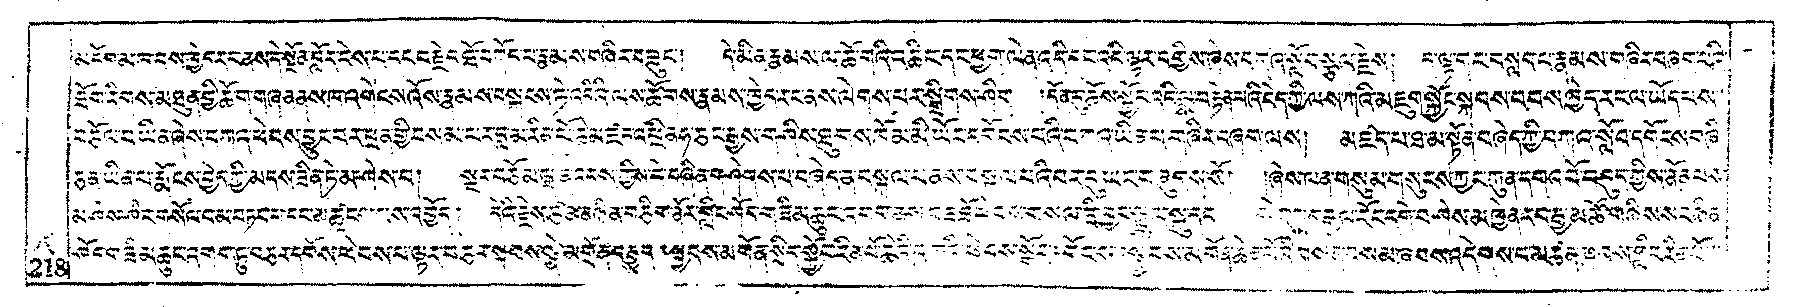མདོག་མ་ཁ་བས་ཁྱེད་རང་ནས་དེ་སྔོན་བློར་ངེས་པ་དང་བརྗེད་ཐོ་བཀོད་པ་རྣམས་གཞིར་བཟུང་། དེ་མིན་རྣམས་ལ་ཆོ་གའི་འཆིང་དང་ཕྱག་ལེན་འདི་དང་འདི་ལྟར་བགྱིས་ཞེས་བཀའ་སློབ་སྩལ་རྗེས། ད་ལྟ་གང་བསླབ་པ་རྣམས་གཞིར་བཞག་པའི་
ཐོག་རིགས་མཐུན་གྱི་ཆོ་ག་གཞན་ནས་ཁ་འགེངས་འོས་རྣམས་བསྐངས་ཏེ་འདིའི་ལས་ཚོགས་རྣམས་ཁྱེད་རང་ནས་ལེགས་པར་སྒྲིགས་ཤིག །དོན་དུ་ཆོས་སྐྱོང་འདི་ཉིད་ལ་བརྟེན་པའི་ངེད་ཀྱི་ལས་ཀའི་མཇུག་སྐྱོང་སྐབས་བབས་ཁྱེད་རང་ལ་ཡོད་པས་
བཅོལ་བ་ཡིན་ཞེས་བཀའ་ཕེབས་བྱུང་བར་ཕྲན་གྱི་བསམ་པར་བླ་མ་རིན་པོ་ཆེ་མཛད་འཕྲིན་ཧ་ཅང་རྒྱས་གཤིས་ཐུགས་ཁོམ་མི་ཡོང་དགོངས་པའི་བཀའ་ཡིན་པ་གཞིར་བཞག་ལས། མཛད་པ་ཐ་མ་སྟོན་བཞེད་ཀྱི་བཀའ་སློབ་དགོངས་གཞི་
ཅན་ཡིན་པ་རྨོངས་བྱེད་ཀྱི་མདས་ཟིན་ཏེ་མ་ཤེས་པ། སྔར་བཅོམ་ལྡན་འདས་ཀྱིས་དེ་བཞིན་གཤེགས་པ་བཞེད་ན་བསྐལ་པ་ནས་བསྐལ་པའི་བར་དུ་ཡང་བཞུགས་སོ། །ཞེས་ལན་གསུམ་གསུངས་ཀྱང་ཀུན་དགའ་བོ་བདུད་ཀྱིས་ནོན་པས་
མ་ཤེས་ཤིང་གསོལ་བ་མ་བཏབ་པ་དང་མཚུངས་པས་འགྱོད། དེའི་རྗེས་ཙམ་ན་ཉིན་གཅིག་ནོར་གླིང་ཤོད་གཟིམ་ཆུང་འགག་ནས་བརྡ་ཐོ་ཕེབས་གསལ་ཁྲི་བྱང་སྤྲུལ་སྐུ་དང་། སེར་སྨད་རྒྱལ་རོང་དགེ་བཤེས་མཁྱེན་རབ་རྒྱ་མཚོ་གཉིས་སང་ཉིན་
ཤོད་གཟིམ་ཆུང་འགག་ཏུ་བཅར་དགོས་ཕེབས་པ་ལྟར་བཅར་སྐབས་སྣེ་མགྲོན་བརྒྱུད་༧སྐྱབས་མགོན་སྲིད་སྐྱོང་རིན་པོ་ཆེའི་བཀའི་ཕེབས་སྒོར་༧གོང་ས་༧སྐྱབས་མགོན་ཆེན་པོའི་གསན་བསམ་ཞབས་འདེགས་པ་མཚན་ཞབས་གླིང་རིན་པོ་